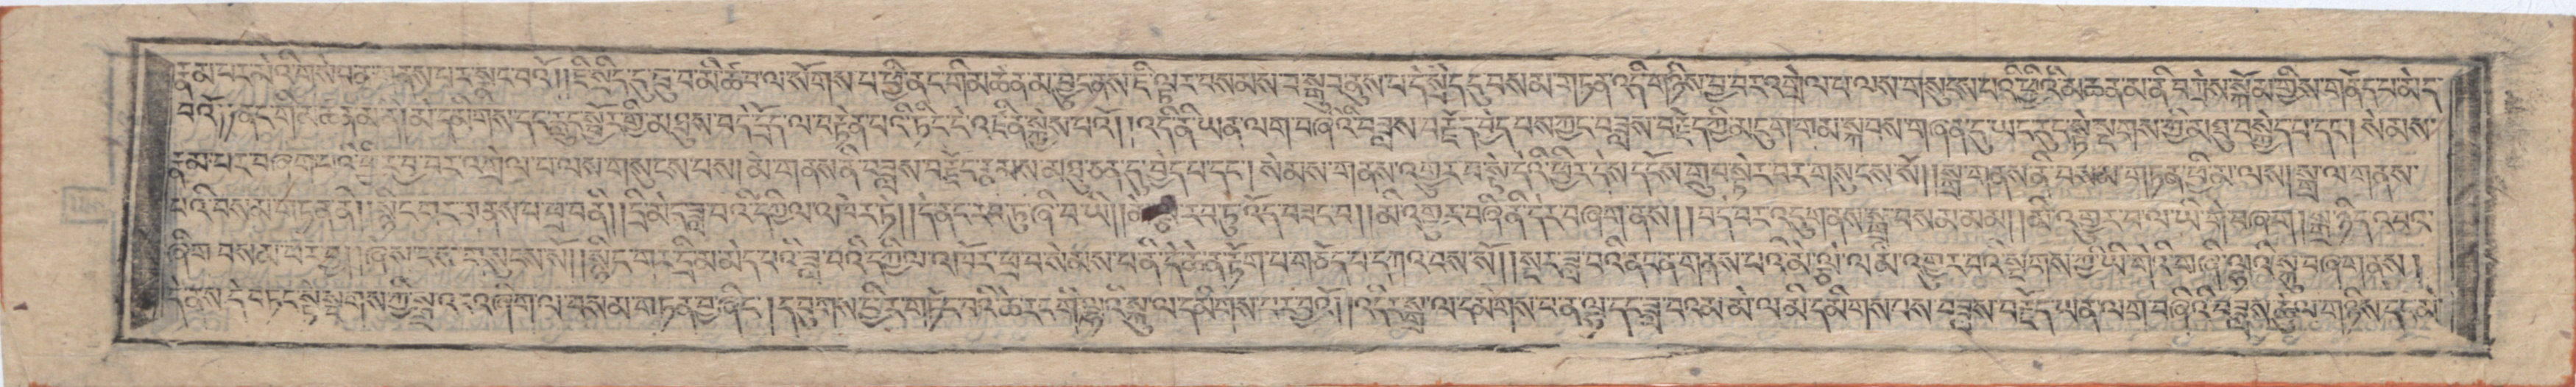རྣམ་པར་མེའི་གསེབ་ན་གནས་པར་སྣང་བའོ། །ཇི་སྲིད་དུ་ཐུ་བ་མི་ཚ་བ་ལ་སོགས་པ་ཕྱི་ནང་གི་མཚན་མ་བྱུང་ནས་ཇི་ལྟར་བསམས་བ་སྒྲུབ་ནུས་པ་དེ་སྲིད་དུ་བསམ་གཏན་འདི་གཉིས་བྱ་བར་འགྲེལ་པ་ལས་གསུངས་པའི་ཕྱིའི་མཚན་མ་ནི་བཀྲེས་སྐོམ་གྱིས་གནོད་པ་མེད་
བའོ༑ ༑ནང་གི་མཚན་མ་ནི། མེ་དམིགས་དང་རླུང་སྦྱོར་གྱི་མཐུས་བདེ་དྲོད་ལ་བརྟེན་པའི་ཏིང་ངེ་འཛིན་སྐྱེས་པའོ། །འདི་ནི་ཡན་ལག་བཞིའི་བཟླས་བརྗོད་བྱེད་པས་ཀྱང་བཟླས་བརྗོད་ཀྱི་མཇུག་གམ་སྐབས་གཞན་དུ་ཡང་རུང་སྟེ་སྔགས་ཀྱི་མཐུ་བསྐྱེད་པ་དང་། སེམས་
རྣམ་པར་བཞག་པའི་ཕྱིར་བྱ་བར་འགྲེལ་པ་ལས་གསུངས་པས། མེ་གནས་ནི་བཟླས་བརྗོད་རྣམས་མཐུ་ཅན་དུ་བྱེད་པ་དང་། སེམས་གནས་འགྱུར་བ་སྟེ་དེའི་ཕྱིར་དེས་དངོས་གྲུབ་སྟེར་བར་གསུངས་སོ། །སྒྲ་གནས་ནི་བསམ་གཏན་ཕྱི་མ་ལས། སྒྲ་ལ་གནས་
པའི་བསམ་གཏན་ནི། །སྙིང་གར་གནས་པ་ཕྲ་བ་ནི། །དྲི་མེད་ཟླ་བའི་དཀྱིལ་འཁོར་ཏེ། །དེ་ནང་རབ་ཏུ་ཞི་བ་ཡི། །མེ་ལྕེ་རབ་ཏུ་འོད་བཟང་བ། །མི་འགྱུར་བཞི་ནི་དེར་བཞག་ནས། །བདེ་བར་འདུག་ནས་སྒྲ་བསམ་མམ། །མི་འགྱུར་བ་ལ་ཡི་གེ་བཞག །སྒྲ་ཉིད་འབའ་
ཞིག་བསམ་པར་བྱ། །ཞེས་པས་གསུངས་སོ། །སྙིང་གར་དྲི་མ་མེད་པའི་ཟླ་བའི་དཀྱིལ་འཁོར་ཕྲ་བ་སེམས་པ་ནི་དེ་ཆེ་ན་རྟོག་པ་གཅོད་པ་དཀའ་བས་སོ། །སྔར་ཟླ་བའི་ནང་ན་གནས་པའི་མེ་ལྕེ་ལ་མི་འགྱུར་བའི་སྔགས་ཀྱི་ཡི་གེའི་གཞི་ལྷའི་སྐུ་བཞག་ནས།
དེ་ནས་དེ་བཏང་སྟེ་སྔགས་ཀྱི་སྒྲ་འབའ་ཞིག་ལ་བསམ་གཏན་བྱ་ཞིང་། དབུགས་ཕྱིར་གཏོང་བའི་ཆེ་རང་གི་ལྷའི་སྐུ་ལ་དམིགས་པར་བྱའོ། །འདིར་སྒྲ་ལ་དམིགས་པ་ན་ལྷ་དང་ཟླ་བའམ་མེ་ལ་མི་དམིགས་པས་བཟླས་བརྗོད་ཡན་ལག་བཞིའི་བཟླས་ཚུལ་གཉིས་དང་མེ་